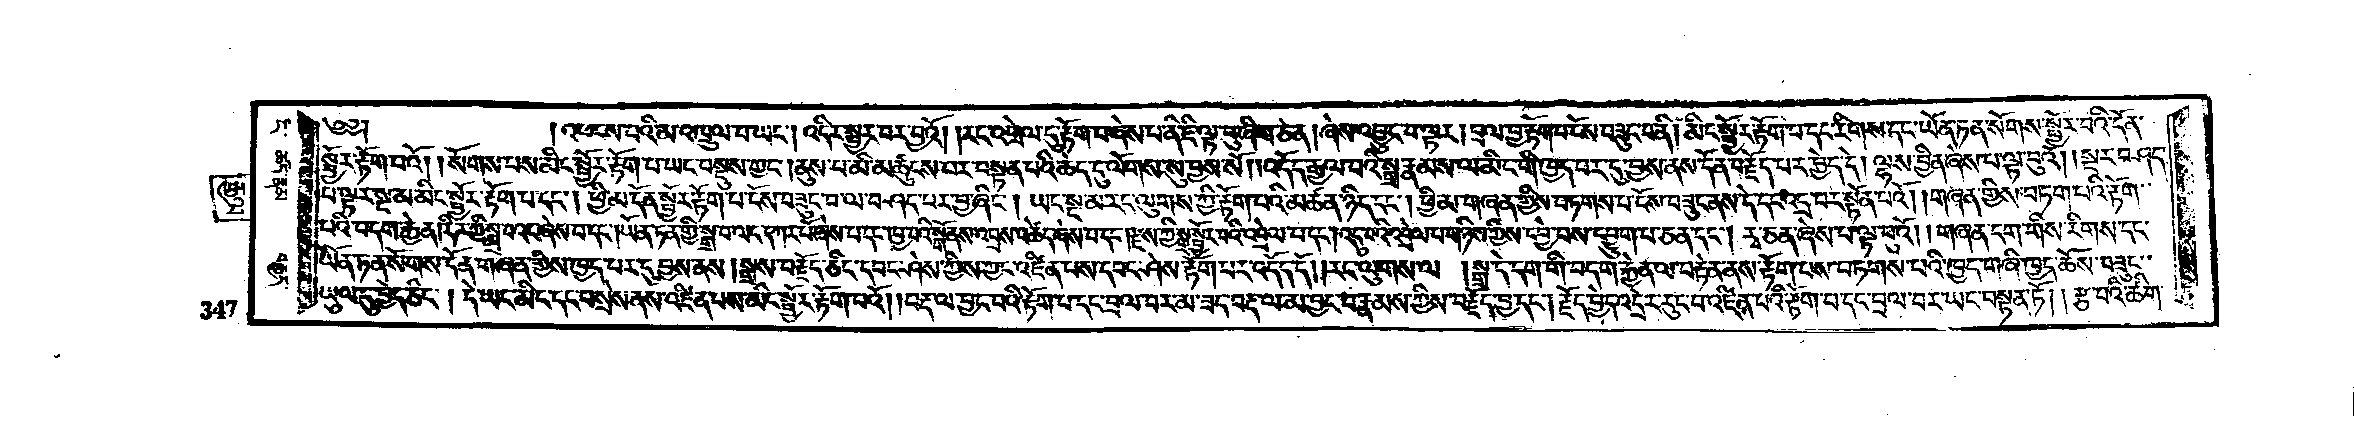༄༅། །འཕངས་པའི་མ་འཁྲུལ་བ་ཡང་། འདིར་སྦྱར་བར་བྱའོ། །རང་འགྲེལ་དུ་རྟོག་པ་ཞེས་པ་ནི་ཇི་ལྟ་བུ་ཞིག་ཅེ་ན། ཞེས་འབྱུང་བ་ལྟར་བྲལ་བྱ་རྟོག་པ་ངོས་བཟུང་བ་ནི། མིང་སྦྱོར་རྟོག་པ་དང་རིགས་དང་ཡོན་ཏན་སོགས་སྦྱོར་བའི་དོན་
སྦྱོར་རྟོག་པའོ། །སོགས་པས་མིང་སྦྱོར་རྟོག་པ་ཡང་བསྡུས་ཀྱང་། ནུས་པ་མི་མཚུངས་པར་བསྟན་པའི་ཆེད་དུ་ལོགས་སུ་བྱས་སོ། །འདོད་རྒྱལ་བའི་སྒྲ་རྣམས་ལ་མིང་གི་ཁྱད་པར་དུ་བྱས་ནས་དོན་བརྗོད་པར་བྱེད་དེ། ལྷས་བྱིན་ཞེས་པ་ལྟ་བུའོ། །སྔར་བཤད་
པ་ལྟར་སྔ་མ་མིང་སྦྱོར་རྟོག་པ་དང་། ཕྱི་མ་དོན་སྦྱོར་རྟོག་པ་ངོས་བཟུང་བ་ལ་བཤད་པར་བྱ་ཞིང་། ཡང་སྔ་མ་རང་ལུགས་ཀྱི་རྟོག་པའི་མཚན་ཉིད་དང་། ཕྱི་མ་གཞན་གྱིས་བཏགས་པ་ངོས་བཟུང་ནས་དེ་དང་འདྲ་བར་སྟོན་པའོ། །གཞན་གྱིས་བཏགས་པའི་རྟོག་
པའི་བདག་རྐྱེན། རིངས་ཀྱི་སྨྲ་བའང་ཞེས་པ་དང་། ཡོན་ཏན་གྱི་སྒྲ་བ་ལང་དཀར་པོ་ཞེས་པ་དང་། བྱ་བའི་སྒོ་ནས་འབྲས་འཚེད་ཞེས་པ་དང་། རྫས་ཀྱི་སྒྲ་སྦྱོར་བའི་འབྲེལ་པ་དང་། འདུ་བའི་འབྲེལ་པ་གཉིས་ཀྱིས་དབྱེ་བས་དབྱུག་པ་ཅན་དང་། རVཨ་ཅན་ཞེས་པ་ལྟ་བུའོ། །གཞན་དག་གིས་རིགས་དང་
ཡིན་ཏན་སོགས་དོན་གཞན་གྱིས་ཁྱད་པར་དུ་བྱས་ནས། སྒྲས་བརྗོད་ཅིང་དབང་ཤེས་ཀྱིས་ཀྱང་འཛིན་པས་དབང་ཤེས་རྟོག་པར་འདོད་དོ། །རང་ལུགས་ལ། སྒྲ་དེ་དག་གི་བདག་རྐྱེན་ལ་བརྟེན་ནས་རྟོག་པས་བཏགས་པའི་ཁྱད་གཞི་ཁྱད་ཆོས་བཟུང་
ཡུལ་དུ་བྱེད་ཅིང་། དེ་ཡང་མིང་དང་བསྲེས་ནས་འཛིན་པས་མིང་སྦྱོར་རྟོག་པའོ། །བརྡ་ལ་བྱང་བའི་རྟོག་པ་དང་བྲལ་བར་མ་ཟད་བརྡ་ལམ་བྱང་བ་རྣམས་ཀྱིས་བརྗོད་བྱ་དང་། རྗོད་བྱེད་འདྲེར་རུང་བ་འཛིན་པའི་རྟོག་པ་དང་བྲལ་བར་ཡང་བསྟན་ཏོ། །རྩ་བའི་ཚིག་